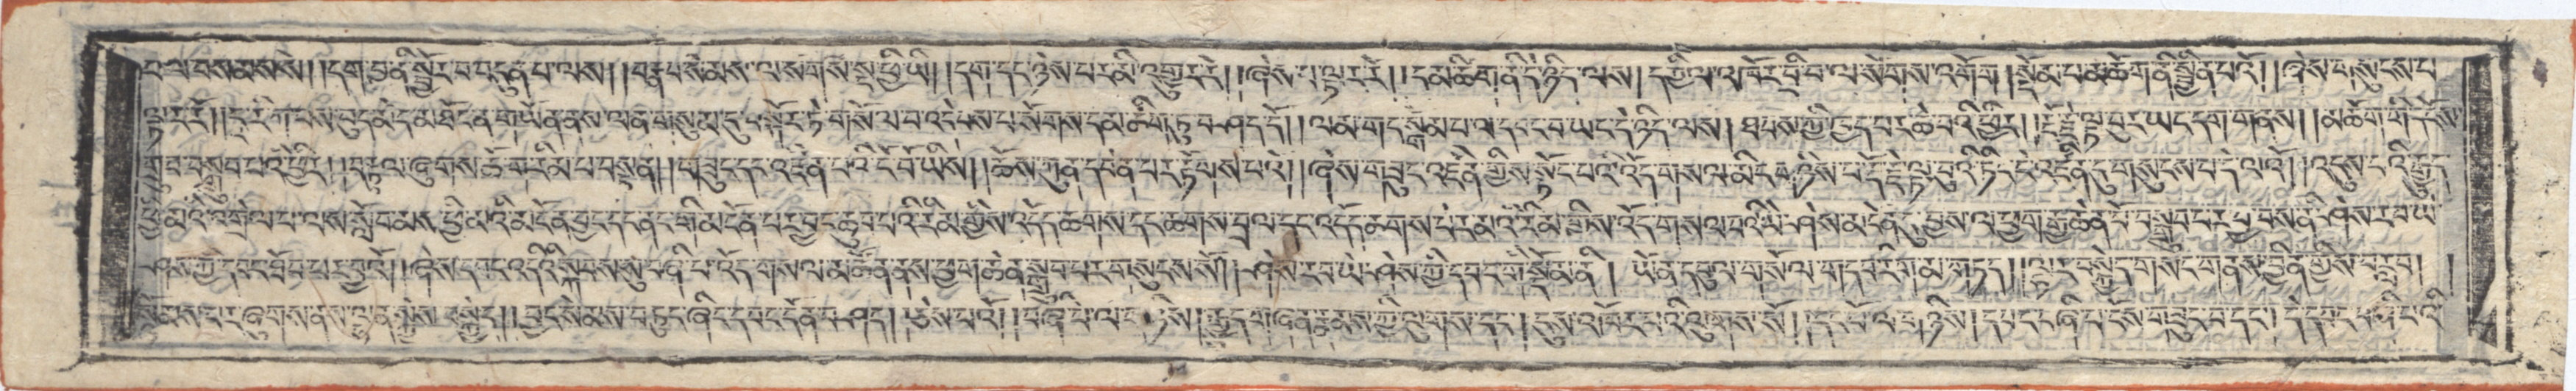པ་ལ་བསམས་སོ། །དག་བྱ་ནི་སྦྱོར་བ་བདུན་པ་ལས། །བརྣབ་སེམས་ལ་སོགས་སྔ་ཕྱི་ཡི། །དག་དང་ཉེས་པར་མི་འགྱུར་རོ། །ཞེས་པ་ལྟར་རོ། །དམ་ཚིག་ནི་དེ་ཉིད་ལས། དཀྱིལ་འཁོར་བྲི་བ་ལ་སོགས་འགོག །སྡོམ་པ་མཆོག་ནི་སྦྱིན་པའོ། །ཞེས་གསུངས་པ་
ལྟར་རོ། །དཱ་རི་ཀ་པས་བུད་མེད་མཐོང་ན་གཡོན་ནས་ལན་གསུམ་དུ་བསྐོར་ཏེ་གསོལ་བ་འདེབས་པ་སོགས་དམ་ཚིག་ཏུ་བཤད་དོ། །ལམ་གང་སྒོམ་པ་ལ་དབང་བ་ཡང་དེ་ཉིད་ལས། ཐབས་ཀྱི་ཁྱད་པར་ཆེ་བའི་ཕྱིར། །རྡོ་རྗེ་ལྟ་བུར་ཡང་དག་གནས། །མཆོག་གི་དངོས་
གྲུབ་བསྒྲུབ་པའི་ཕྱིར། །བརྟུལ་ཞུགས་ཆོ་ག་རིམ་པ་བསྟན། །གཟུང་དང་འཛིན་པའི་ངོ་བོ་ཡིས། །ཆོས་ཀུན་དབེན་པར་རྟོགས་པའོ། །ཞེས་གཟུང་འཛིན་གྱིས་སྟོང་པའི་འོད་གསལ་མིང་གཉིས་པ་རྡོ་རྗེ་ལྟ་བུའི་ཏིང་ངེ་འཛིན་དུ་གསུངས་པ་དེ་ལའོ། །འདུས་པའི་རྒྱུད་
ཕྱི་མའི་འགྲེལ་པ་ལས་སློབ་མས་ཕྱི་མའི་མངོན་བྱང་དང་ནང་གི་མངོན་པར་བྱང་ཆུབ་པའི་རིམ་གྱིས་འདོད་ཆགས་དང་ཆགས་བྲལ་དང་འདོད་ཆགས་པོར་མའི་རིམ་གྱིས་འོད་གསལ་བའི་ཡེ་ཤེས་མངོན་དུ་བྱས་ལ་ཕྱག་རྒྱ་ཆེན་པོ་བསྒྲུབ་པར་བྱ་བས་ནི་ཤེས་རབ་ཡེ་
ཤེས་ཀྱི་དབང་ཐོབ་པར་བྱའོ། །ཞེས་དབང་འདིའི་སྐབས་སུ་བཞི་པ་འོད་གསལ་མཚོན་ནས་ཕྱག་ཆེན་སྒྲུབ་པར་གསུངས་སོ། །ཤེས་རབ་ཡེ་ཤེས་ཀྱི་དབང་གི་སྡོམ་ནི། ཡོན་དབུལ་གསོལ་གདབ་རིག་མ་གཏད། །ལྷར་བསྐྱེད་གསང་གནས་བྱིན་གྱིས་བརླབ། །
སྙོམས་པར་ཞུགས་ནས་ལྷན་སྐྱེས་བསྐྱེད། །བྱང་སེམས་བཏུང་ཞིང་དབང་དོན་བཤད། །ཅེས་པའོ། །བཞི་པ་ལ་གཉིས། རྒྱུད་གཞན་རྣམས་ཀྱི་ལུགས་དང་། དུས་འཁོར་བའི་ལུགས་སོ། །དང་པོ་ལ་གཉིས། དབང་བཞི་པ་ངོས་གཟུང་བ་དང་། དེ་དབང་བཞི་པའི་